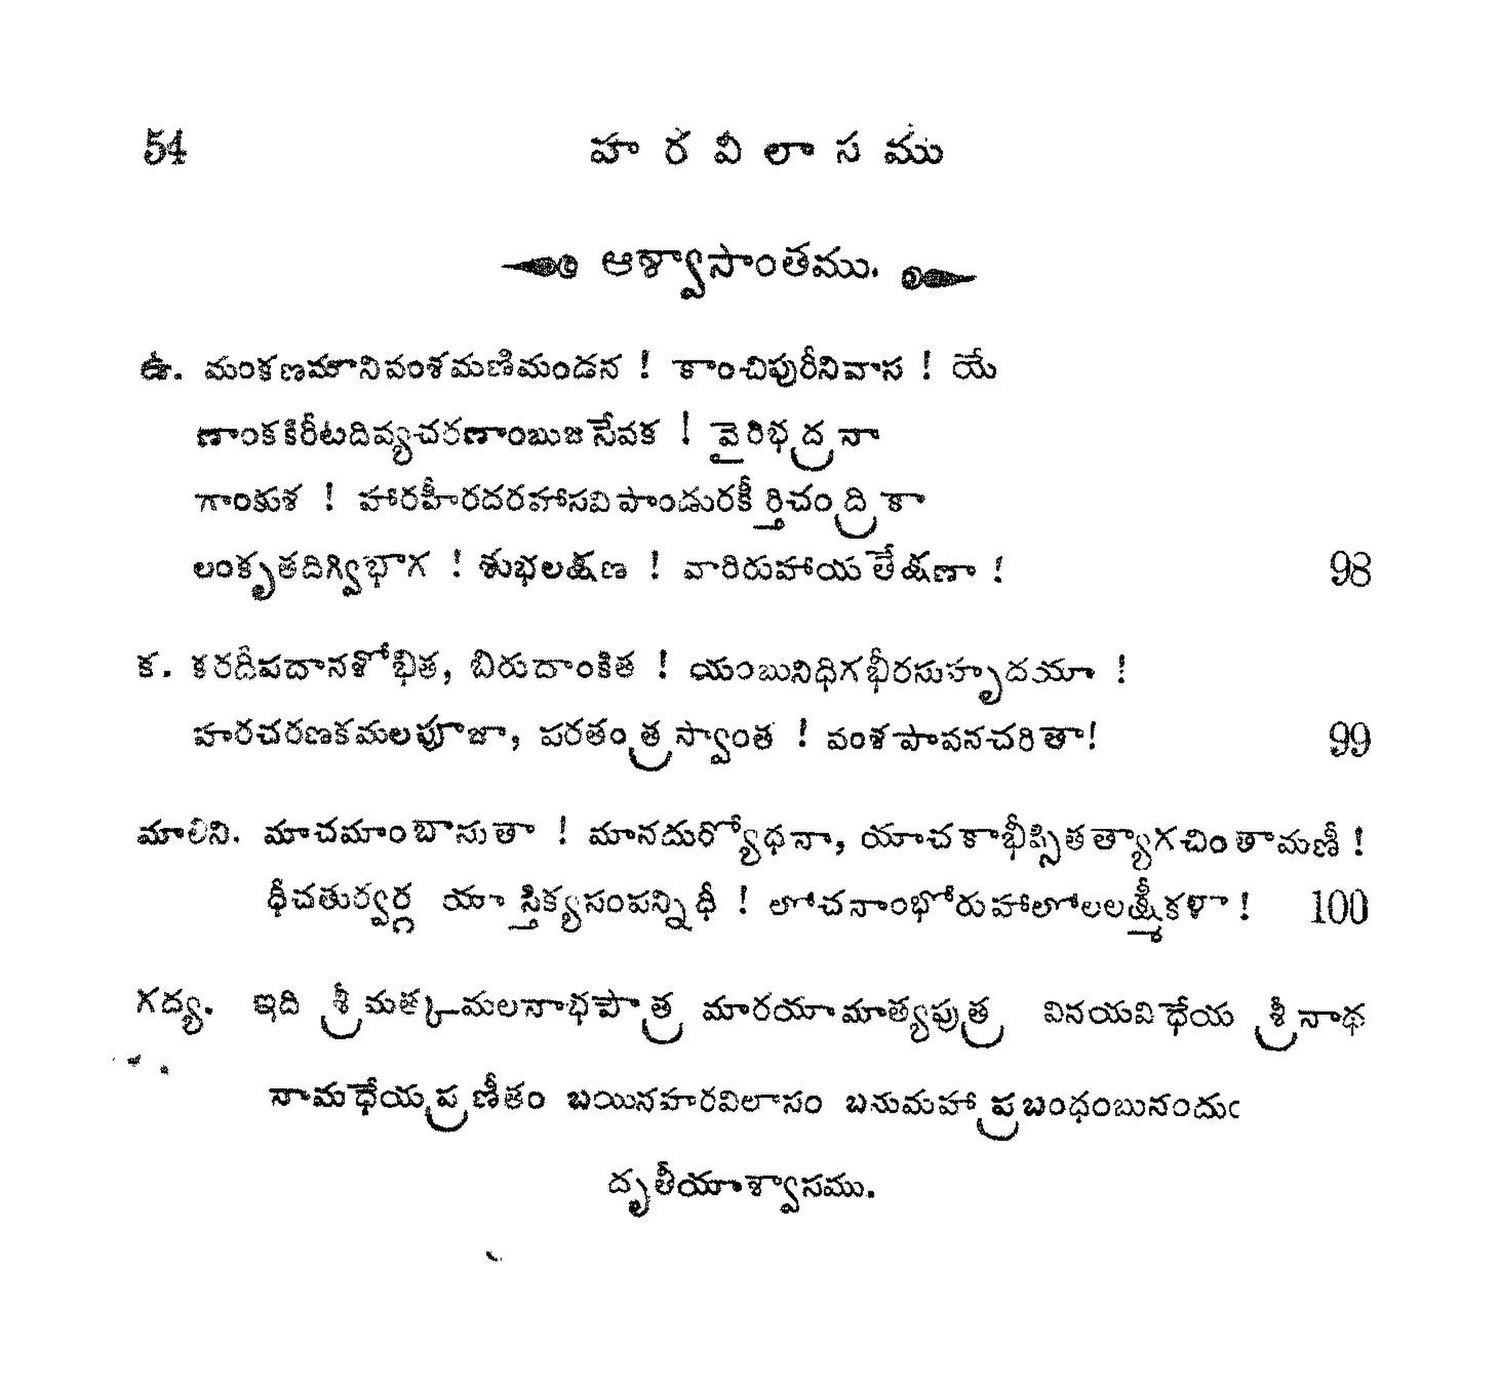ఉ. మంకణమౌనివంశమణిమండన! కాంచిపురీనివాస! యే
గాంణాంకకిరీటదివ్యచరణాంబుజసేవక! వైరిభద్రనా
గాంకుళశ! హారహీరదరహాసవిపాండురకీర్తిచంద్రికా
లంకృతదిగ్విభాగ! శుభలక్షణ! వారిరుహాయతేక్షణా! 98

క. కరదీపదానశోభిత, బిరుదాంకిత! యంబునిధిగభీరసుహృదయా!
హరచరణకమలపూజా, పరతంత్రస్వాంత! వంశపావనచరితా! 99

మాలిని. మాచమాంబాసుతా! మానదుర్యోధనా, యాచకాభీప్సితత్యాగచింతామణీ!
ధీచతుర్వర్గ యాస్తిక్యసంపన్నిధీ! లోచనాంభోరుహాలోలలక్ష్మీకళా! 100